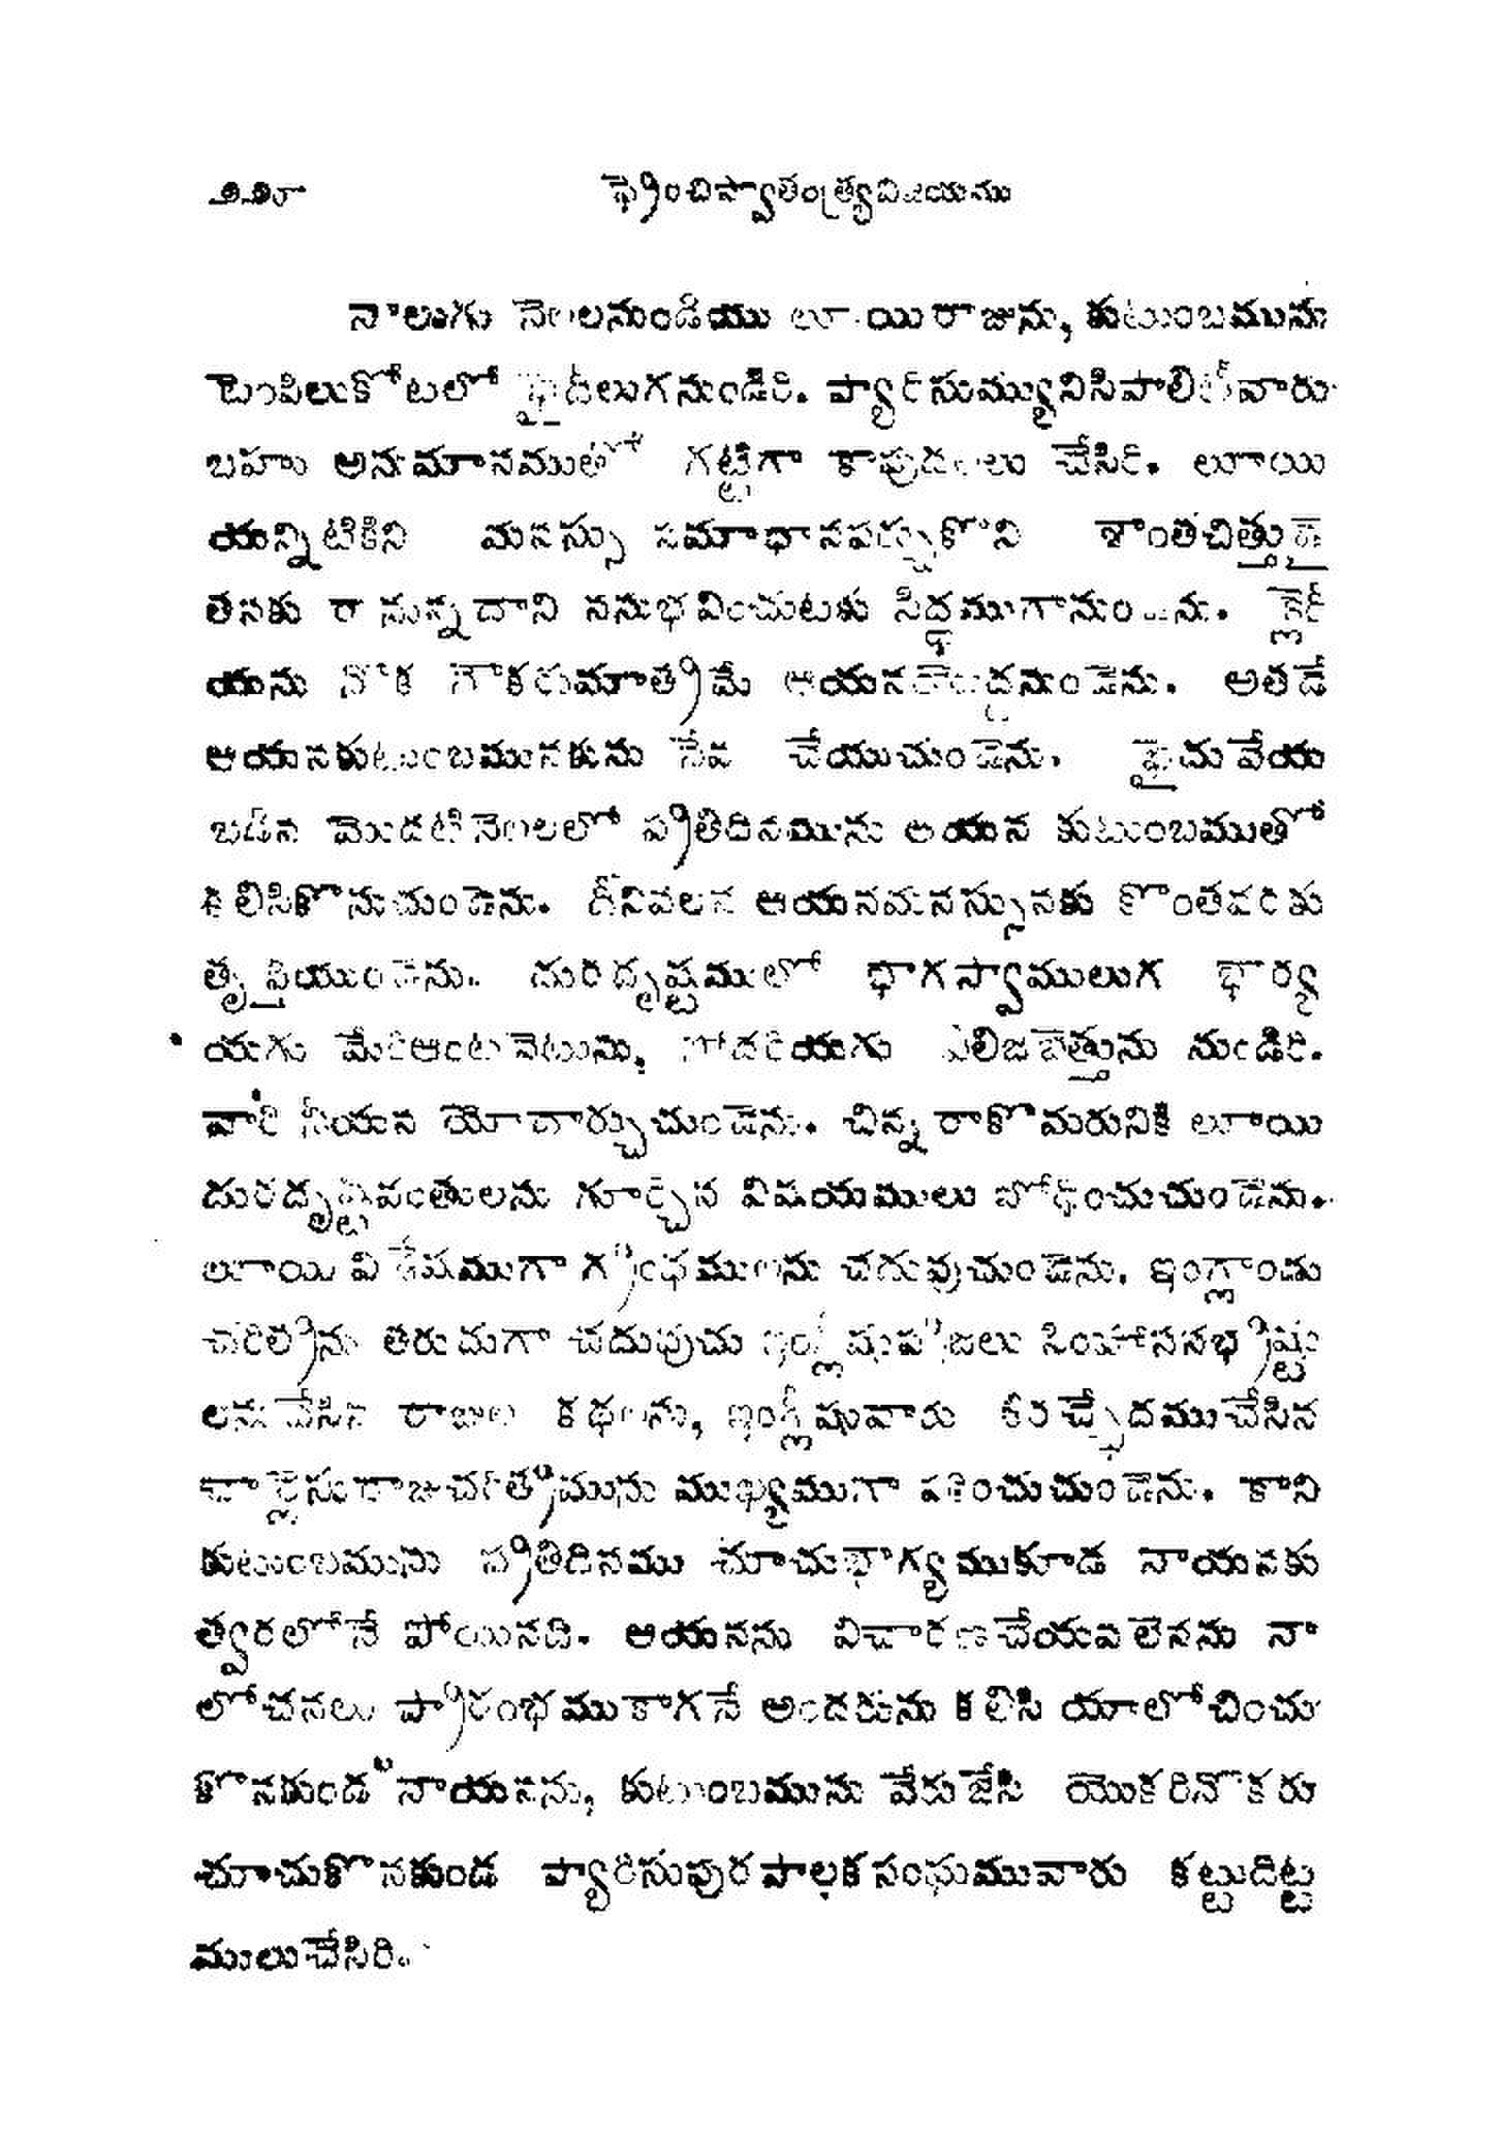నాలుగు నెలనుండియు లూయిరాజును, కుటుంబమును
టెంపిలుకోటలో ఖైదీలుగ నుండిరి. ప్యారిసు మ్యునిసిపాలిటీ. వారు
బహు అను మాసముతో గట్టిగా కాపుదల చేసిరి. లూయి
యన్నిటికిని మనస్సు సమాధానపర్చుకొని శాంతచిత్తుడై
తనకు రా నున్న దాని సనుభవించుటకు సిద్ధము గానుండెను. క్లెరీ
యను ఒక నౌకరు మాత్రమే ఈయన యొద్దనుండెను. అతడే
ఆయన కుటుంబమునకును సేవ చేయుచుండెను, ఖైదు వేయ
బడిన మొదటి నెలలలో ప్రతిదినమును ఆయన కుటుంబముతో
కలిసికొను చుండెను. దీనివలన ఆయన మనస్సునకు కొంతవరకు
తృప్తియుండెను. దుర దృష్టము లో భాగస్వాములుగా భార్య
యగు మేరి ఆంటీ వెటును, సోదరియగు ఎలిజబెత్తును నుఁడిరి.
వారి నీయన యోదార్చుచుండెను. చిన్న రాకొమరునికి లూయి
దురదృష్టవంతులను గూర్చిన విషయములు బోదించుచుండెను.
లూయి ఏశేషముగా గ్రంధములను చదువుచుండెను. ఇంగ్లాండు
చరిత్రను తరుచుగా చదువుచు ఇంగ్లీషు ప్రజలు సింహాసనభ్రష్టు
లను చేసి రాజల కథలను, ఇంగ్లీషువారు శిరచ్చేదము చేసిన
చార్లెసు రాజు చరిత్రమును ముఖ్యముగా పఠించుచుండెను. కాని
కుటుంబమును ప్రతి దినము చూచు భాగ్యముకూడ నాయనకు
త్వరలోనే పోయినది. ఆయనను విచారణ చేయవలేనను నా
లోచనలు ప్రారంభము కాగనే అందరును కలిసి యాలోచించు
కొసకుండ"నాయను, కుటుంబమును వేరు జేసి యొక రి నొకరు
చూచుకొనకుండ ప్యారిసు పురపాలక సంఘమువారు కట్టుదిట్ట
ములుచేసిరి.